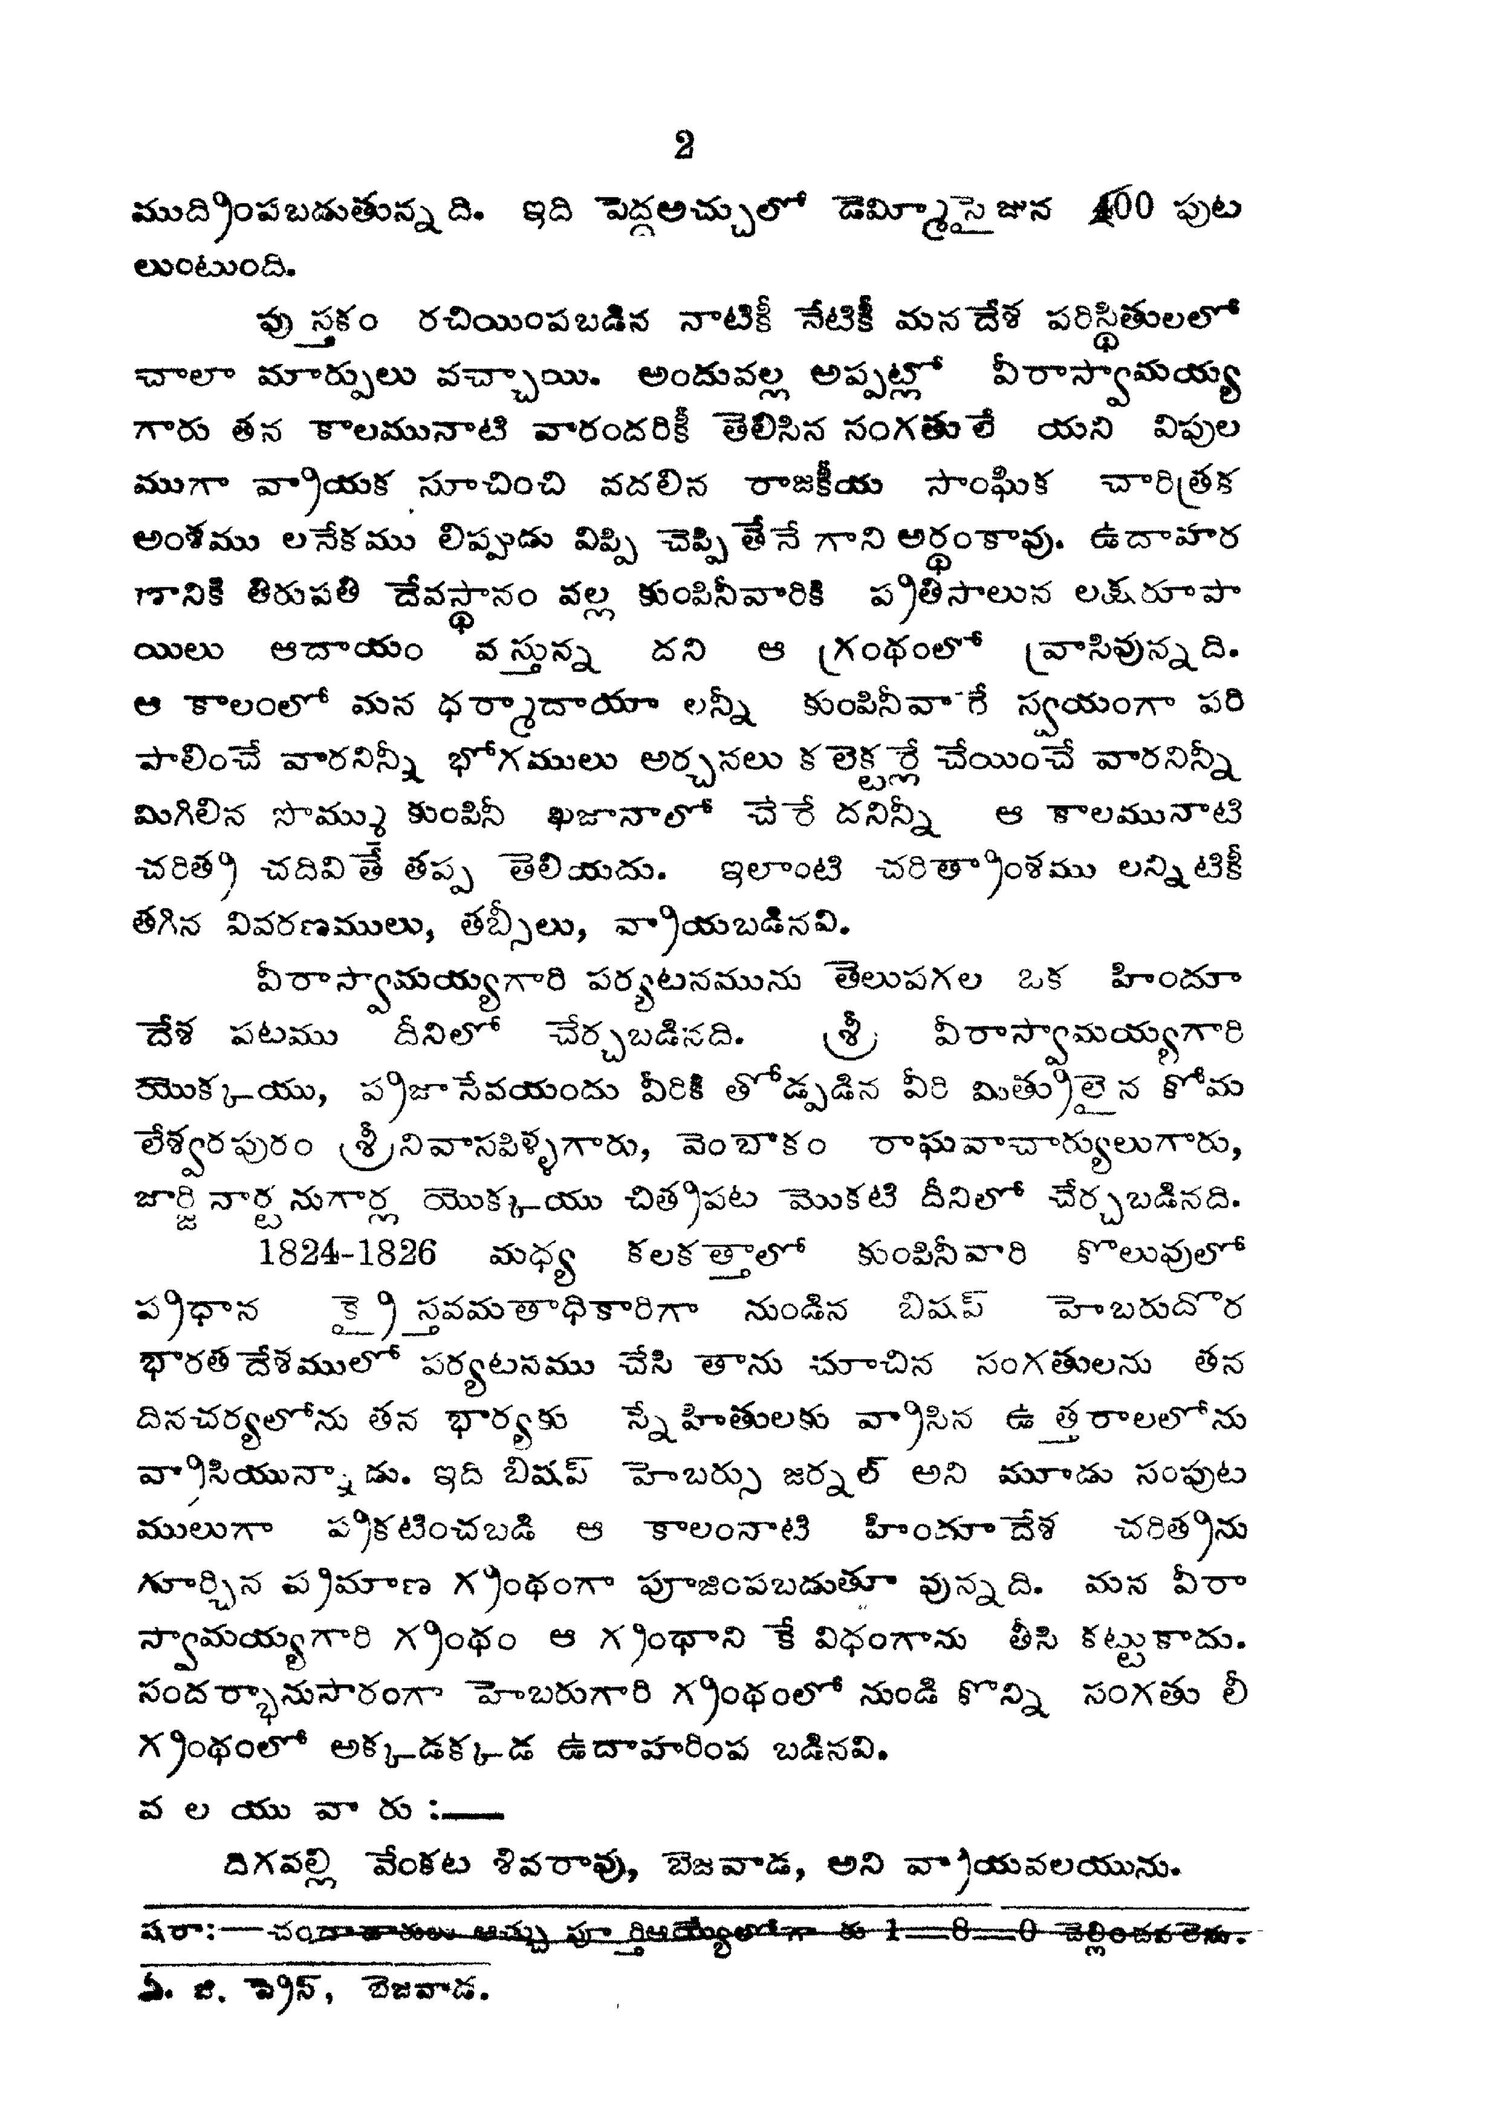ముద్రింపబడుచున్నది . ఇది పెద్ద అచ్చులో డెమ్మీసైజున 500 పుటలుంటుంది.

పుస్తకం రచియింపబడిన నాటికీ నేటికీ మనదేశ పరిస్థితులలో చాలా మార్పులు వచ్చాయి అందువల్ల అప్పట్లో వీరాస్వామయ్యగారు తన కాలమునాటి వారందరికీ తెలిసిన సంగతులే యని విపులముగా వ్రాయక సూచించి వదలిన రాజకీయ సాంఘిక చారిత్రక అంశము లనేకము లిప్పుడు విప్పి చెప్పితేనే గాని అర్ధంకావు. ఉదాహరణానికి తిరుపతి దేవస్థానం వల్ల కుంఫినీవారికి ప్రతిసాలున లక్షరూపాయిలు ఆదాయం వస్తున్నదని ఆ గ్రంధంలో వ్రాసివున్నది. ఆ కాలంలో మన ధర్మాదాయా లన్నీ కుంఫినీవారే స్వయంగా పరిపాలించే వారనిన్నీ భోగములు అర్చనలు కలెక్టర్లే చేయించే వారనిన్నీ మిగిలిన సొమ్ము కుంఫినీ ఖజానాలో చేరే దనిన్నీ ఆ కాలమునాటి చరిత్ర చదివితే తప్ప తెలియదు. ఇలాంటి చరిత్రాంశము లన్నటికీ తగిన వివరణములు, తబ్సీలు, వ్రాయబడినవి.

వీరాస్వామయ్యగారి పర్యటనమును తెలుపగల ఒక హిందూదేశ పటము దీనిలో చేర్చబడినది. శ్రీ వీరాస్వామయ్యగారి యొక్కయు, ప్రజాసేవయందు వీరికి తోడ్పడిన వీరి మిత్రులైన కోమలేశ్వరపురం శ్రీనివాసపిళ్ళగారు, వెంబాకం రాఘవాచార్యులుగారు, జార్జి నార్టనుగార్ల యొక్కయు చిత్రపట మొకటి దీనిలో చేర్చబడినది. 

1824-1826 మధ్య కలకత్తాలో కుంఫినీవారి కొలువులో ప్రధాన క్రైస్తవమతాధికారిగా నుండిన బిషప్ హెబరుదొర భారతదేశములో పర్యటనము చేసి తాను చూచిన సంగతులను తన దినచర్యలోను తన 
భార్యకు స్నేహితులకు వ్రాసిన ఉత్తరాలలోను వ్రాసియున్నాడు. ఇది బిషప్ హేబర్సు జర్నల్ అని మూడు సంపుటములుగా ప్రకటించబడి ఆ కాలంనాటి హిందూదేశ చరిత్రను గూర్చిన ప్రమాణ గ్రంధముగా పూజింపబడుతూ వున్నది. మన వీరాస్వామయ్యగారి గ్రంధం ఆ గ్రంధాని కేవిధంగాను తీసి కట్టుకాదు. సందర్భానుసారంగా హెబరుగారి గ్రంధంలో నుండి కొన్ని సంగతులీ గ్రంధంలో అక్కడక్కడ ఉదాహరింప బడినవి.

వలయువారు:-

దిగవల్లి వేంకట శివరావు, బెజవాడ, అని వ్రాయవలయును.

షరా:--చందాదారులు అచ్చుపూర్తయ్యేలోగా రు.1-0-0 చెల్లించవలెను. 

ఏ.జి. ప్రెస్, బెజవాడ.